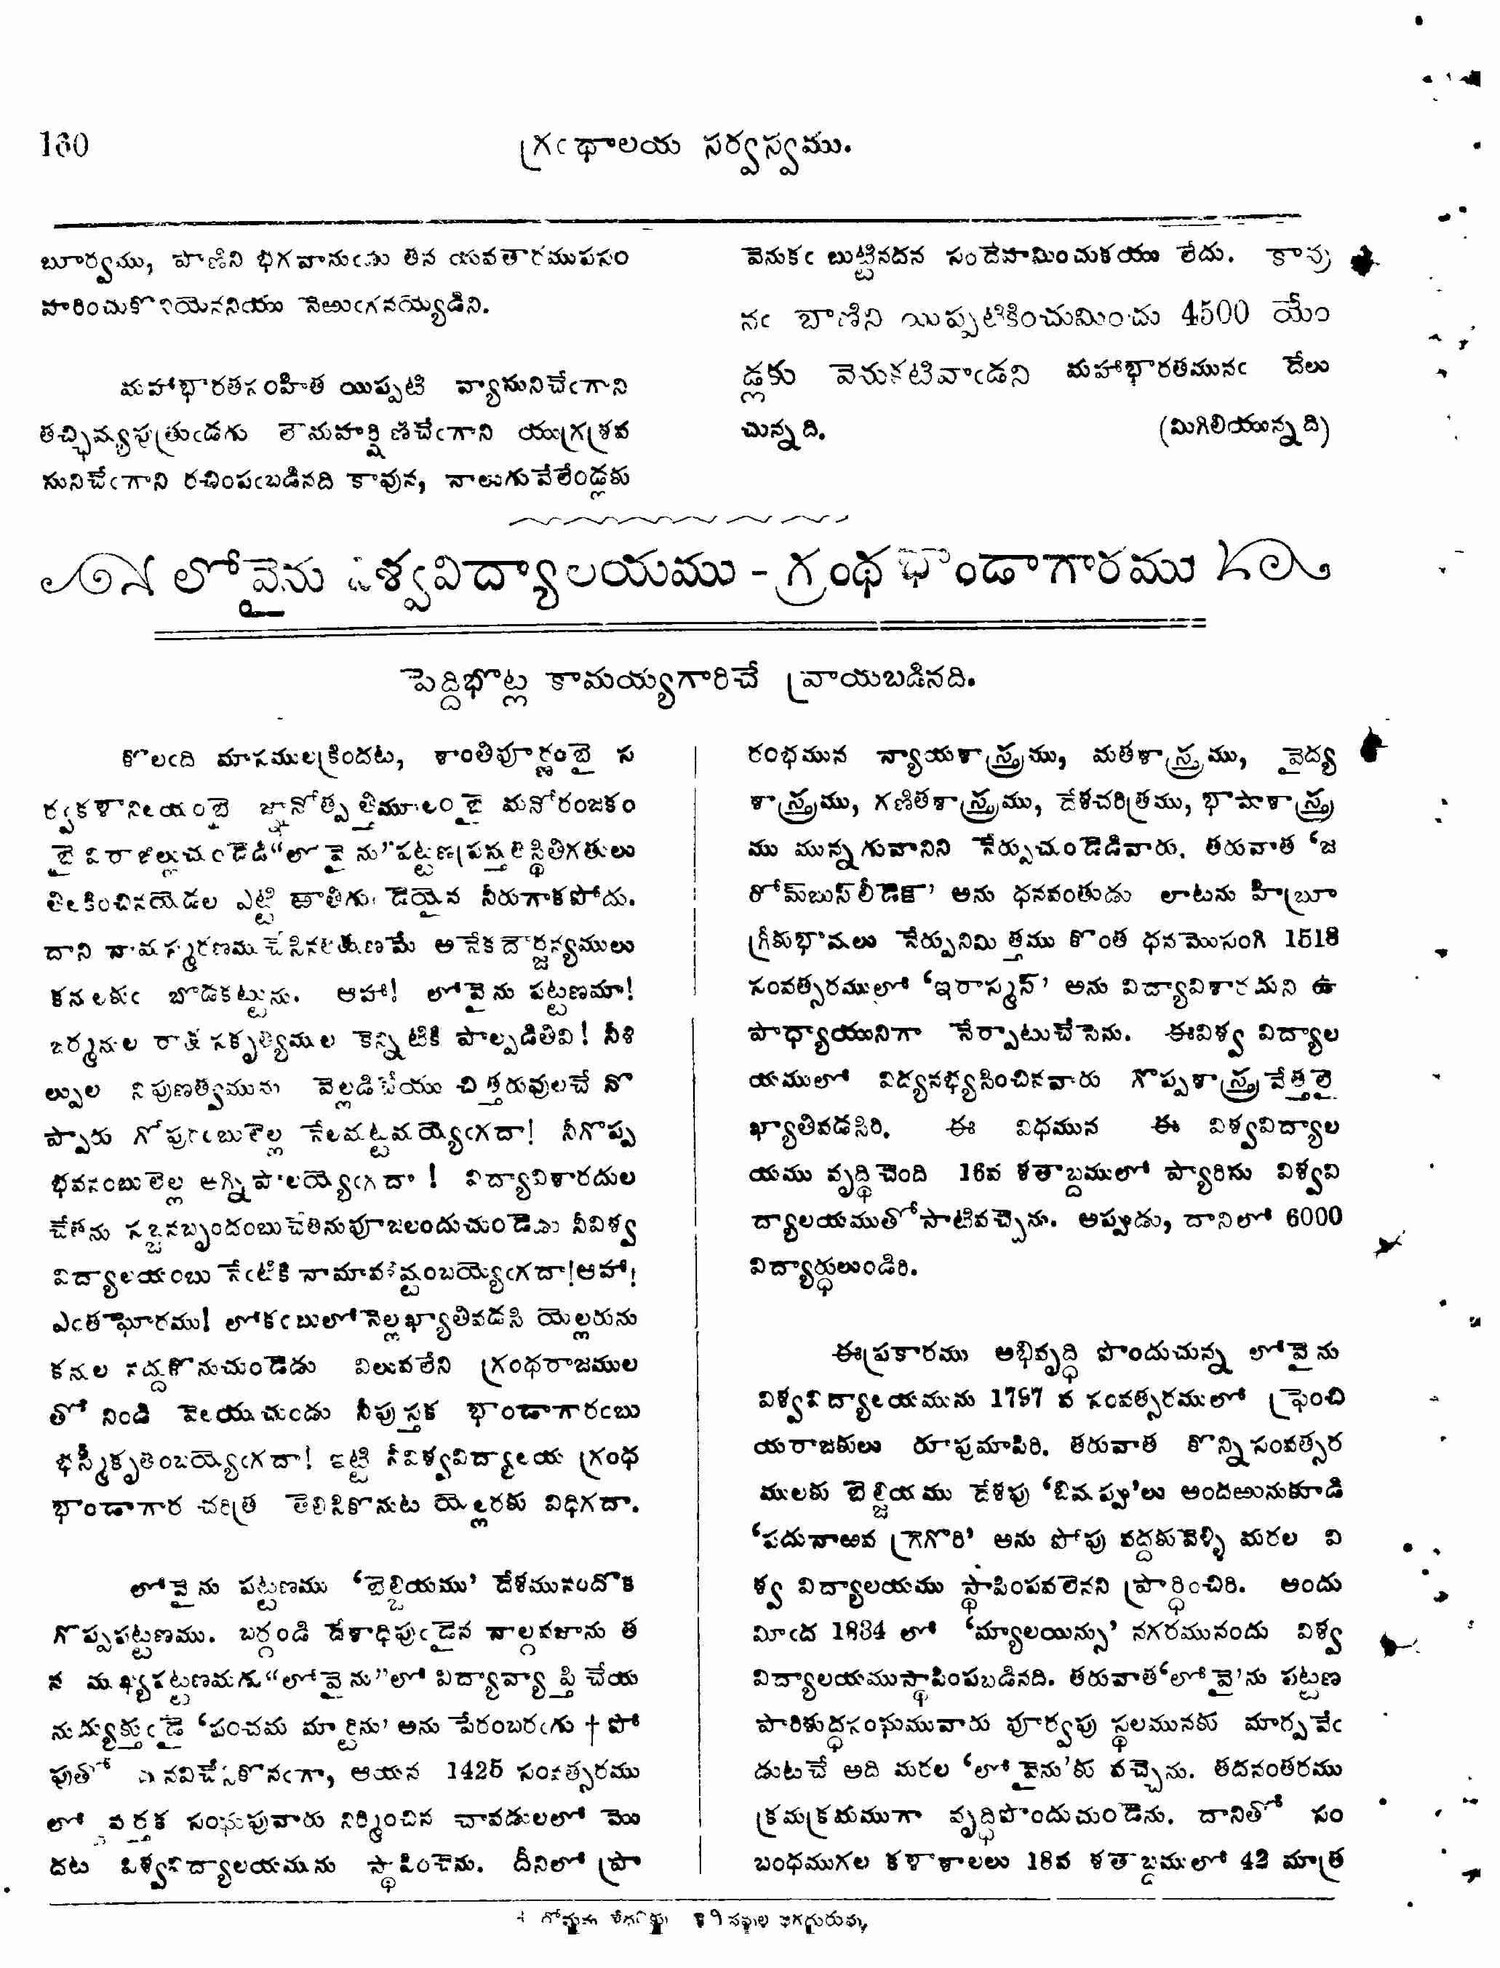బూర్వము, పాణిని భగవానుఁడు తన యవతారముపసంహరించుకొనియెననియు నెఱుఁగ నయ్యెడిని.

మహాభారతసంహిత యిప్పటి వ్యానునిచేఁగాని
తచ్ఛిష్యపుత్రుఁడుగు శుకమహర్షిణిచేఁగాని యుగ్రశ్రవసునిచేఁగాని రచింపఁబడినది కావున, నాలుగువేలేండ్లకు
వెనుకఁ బుట్టినదని సందేహమించుకయు లేదు. కావునఁ బాణిని యిప్పటికించుమించు 4500 యేండ్లకు వెనుకటివాఁడని మహాభారతమునఁ దేలుచున్నది.(మిగిలియున్నది)

.
కొలఁది మాసముల క్రిందట, శాంతిపూర్ణంబై సర్వకళానిలయంబై జ్ఞానోత్పత్తిమూలంబై మనోరంజకంబై విరాజిల్లుచుండెడి"లోవైను" పట్టణ ప్రస్తతి స్థితిగతులు
తిలకించినయెడల ఎట్టి ఱాతి గుఁడెయైన నీరు గాక పోదు.
దాని నామస్మరణము చేసిన క్షణమే అనేక దౌర్జన్యములు
కనులకుఁ బొడకట్టును. ఆహా! లోవైను పట్టణమా!
జర్మనుల రాక్షసకృత్యముల కొన్నిటికి పాల్పడితివి ! నీళిల్పుల నిపుణత్వమును వెల్లడిచేయు చిత్తరువులచే నొప్పారు గోపురఁబు కెల్ల నేలమట్టమయ్యెఁ గదా! నీ గొప్ప
భవనంబులెల్ల అగ్నిపాలయ్యెఁగదా ! విద్యావిశారదుల
చేతను సజ్జనబృందంబు చేతను పూజలందుచుండెడు నీవిశ్వ
విద్యాలయంబు నేఁటికి నామావశిష్టంబయ్యెఁ గదా!ఆహా!
ఎంత ఘోరము! లోకఁబులో నెల్ల ఖ్యాతివడసి యెల్లరును
కనుల నద్దుకొనుచుండెడు విలువలేని గ్రంధరాజముల
తో నిండి వెలయచుండు నీ పుస్తక భాండాగారఁబు
భస్మీకృతంబయ్యెఁగదా! ఇట్టి నీ విశ్వవిద్యాలయ గ్రంథభాండాగార చరిత్ర తెలిసికొనుట యెల్లరకు విధిగదా.

లోవైను పట్టణము 'బెల్జియము' దేశమునందొక గొప్పపట్టణము. బర్గండి దేశాధిపుఁడైన నాల్గవజాను తన మఖ్యపట్టణమగు"లోవైను”లో విద్యావ్యాప్తి చేయనుద్యుక్తుఁడై 'పంచమ మార్టిను' అను పేరంబరఁగు † పోపుతో మనవిచేసికొనఁగా, ఆయన 1425 సంవత్సరములో వర్తక సంఘపువారు నిర్మించిన చావడులలో మొదట విశ్వవిద్యాలయమును స్థాపించెను. దీనిలో ప్రారంభమున న్యాయశాస్త్రము, మతశాస్త్రము, వైద్యశాస్త్రము, గణితశాస్త్రము, దేశచరిత్రము, భాషాశాస్త్రము మున్నగువానిని నేర్పుచుండెడివారు. తరువాత 'జరోమ్బుస్ లీడె౯' అను ధనవంతుడు లాటను హిబ్రూ, గ్రీకుభాషలు నేర్పునిమిత్తము కొంత ధనమొసంగి 1518
సంవత్సరములో 'ఇరాస్మస్' అను విద్యావిశారదుని ఉపాధ్యాయునిగా నేర్పాటుచేసెను. ఈవిశ్వ విద్యాలయములో విద్యనభ్యసించినవారు గొప్ప శాస్త్రవేత్తలై ఖ్యాతి వడసిరి. ఈ విధమున ఈ విశ్వవిద్యాలయము వృద్ధి చెంది 16వ శతాబ్దములో ప్యారిసు విశ్వవిద్యాలయముతో సాటివచ్చెను. అప్పుడు, దానిలో 6000 విద్యార్ధులుండిరి.

ఈప్రకారము అభివృద్ధి పొందుచున్న లోవైను
విశ్వవిద్యాలయమును 1797 వ సంవత్సరములో ఫ్రెంచి
యరాజకులు రూపుమాపిరి. తరువాత కొన్ని సంవత్సరములకు బెల్జీయము దేశపు ‘బిషప్పు'లు అందఱునుకూడి
'పదునాఱవ గ్రెగొరి' అను పోపు వద్దకు వెళ్ళి మరల విశ్వ విద్యాలయము స్థాపింపవలెనని ప్రార్ధించిరి. అందుమీఁద 1984 లో 'మ్యాలయిన్సు' నగరమునందు విశ్వ
విద్యాలయము స్థాపింపబడినది. తరువాత'లోవైను'పట్టణ
పారిశుద్ధ సంఘమువారు పూర్వపు స్థలమునకు మార్పవేఁడుటచే అది మరల 'లోవైను'కు వచ్చెను. తదనంతరము క్రమక్రమముగా వృద్ధిపొందుచుండెను. దానితో సంబంధముగల కళాశాలలు 18వ శతాబ్దములో 42 మాత్ర